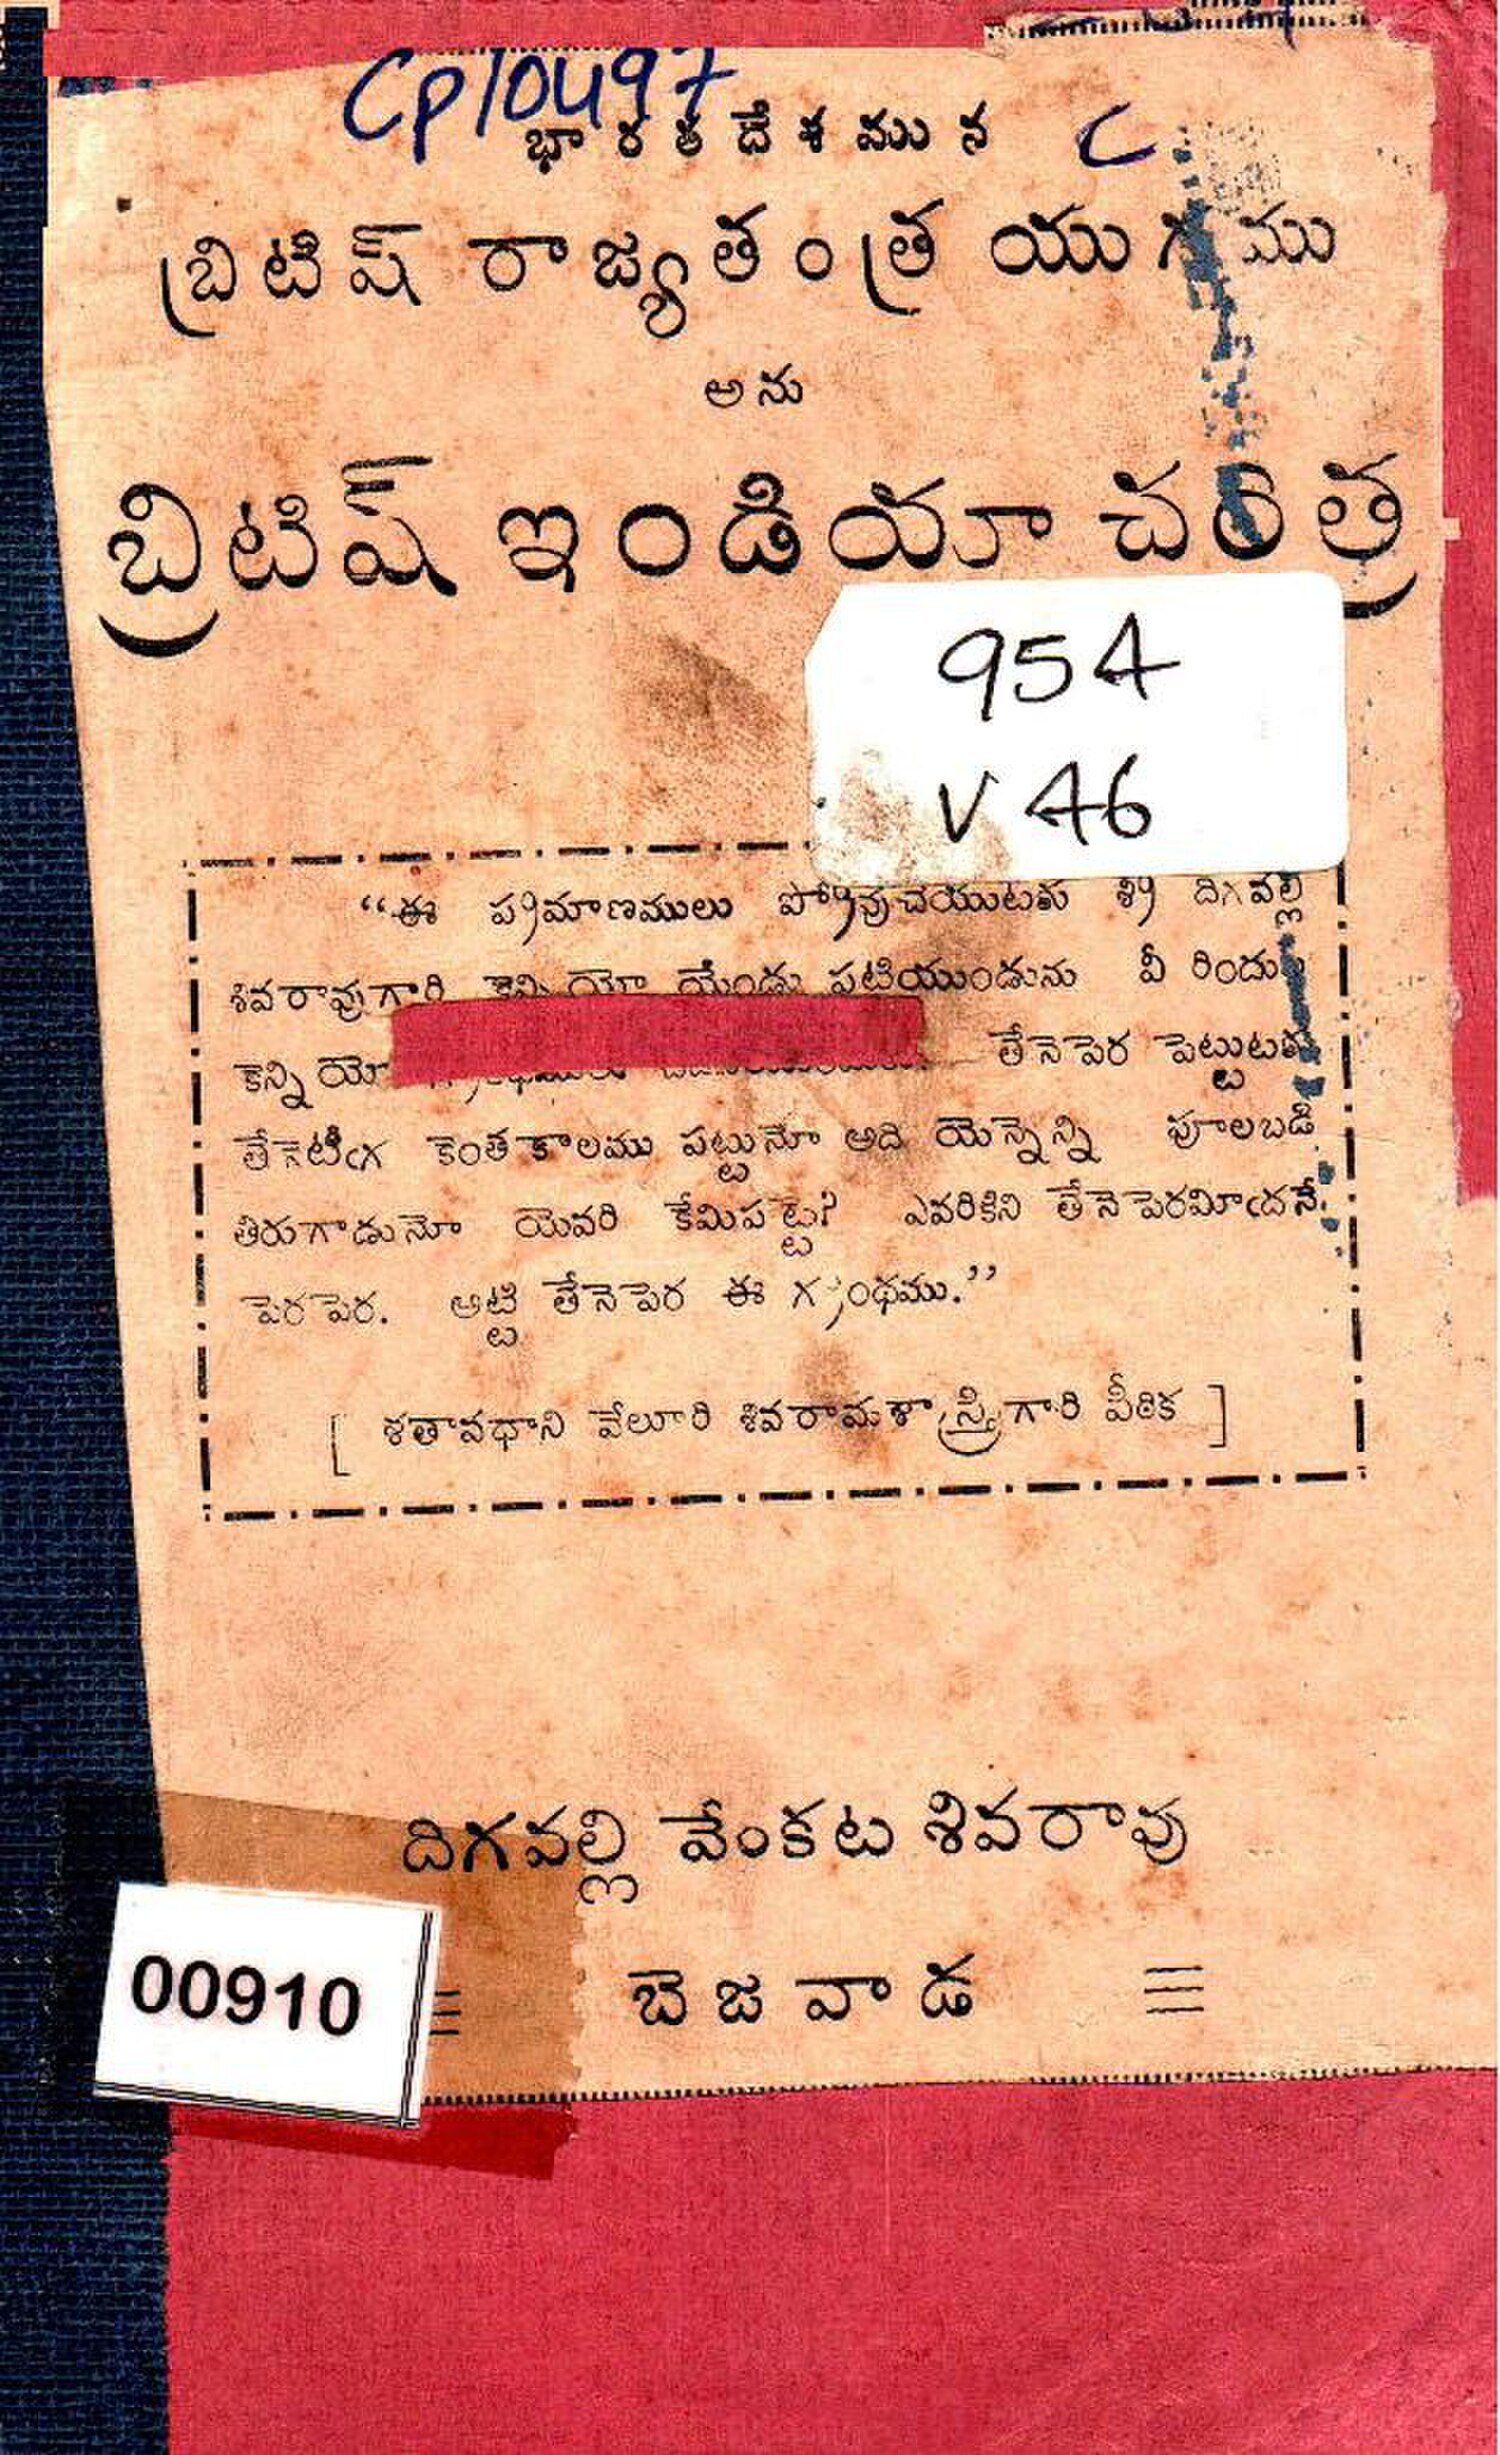భారతదేశమున

బ్రిటిష్ రాజ్యతంత్ర యుగము

అను

బ్రిటిష్ ఇండియా చరిత్ర

"ఈ ప్రమాణములు ప్రోవు చేయుటకు శ్రీ దిగవల్లి శివరావుగారి కెన్నియో యేండ్లు పట్టియుండును. వీ రిందుల కెన్నియోగ్రంథములు .............. తేనెపెర పెట్టుటకు తేనెటీఁగ కెంతకాలము పట్టునో అది యెన్నెన్ని పూలబడి , తిరుగాడునో యెవరి కేమిపట్టె? ఎవరికిని తేనె పెరమీదనే : పెర పెర. అట్టి తేనెపెర ఈ గంథము.”

దిగవల్లి వేంకట శివరావు 
బెజవాడ